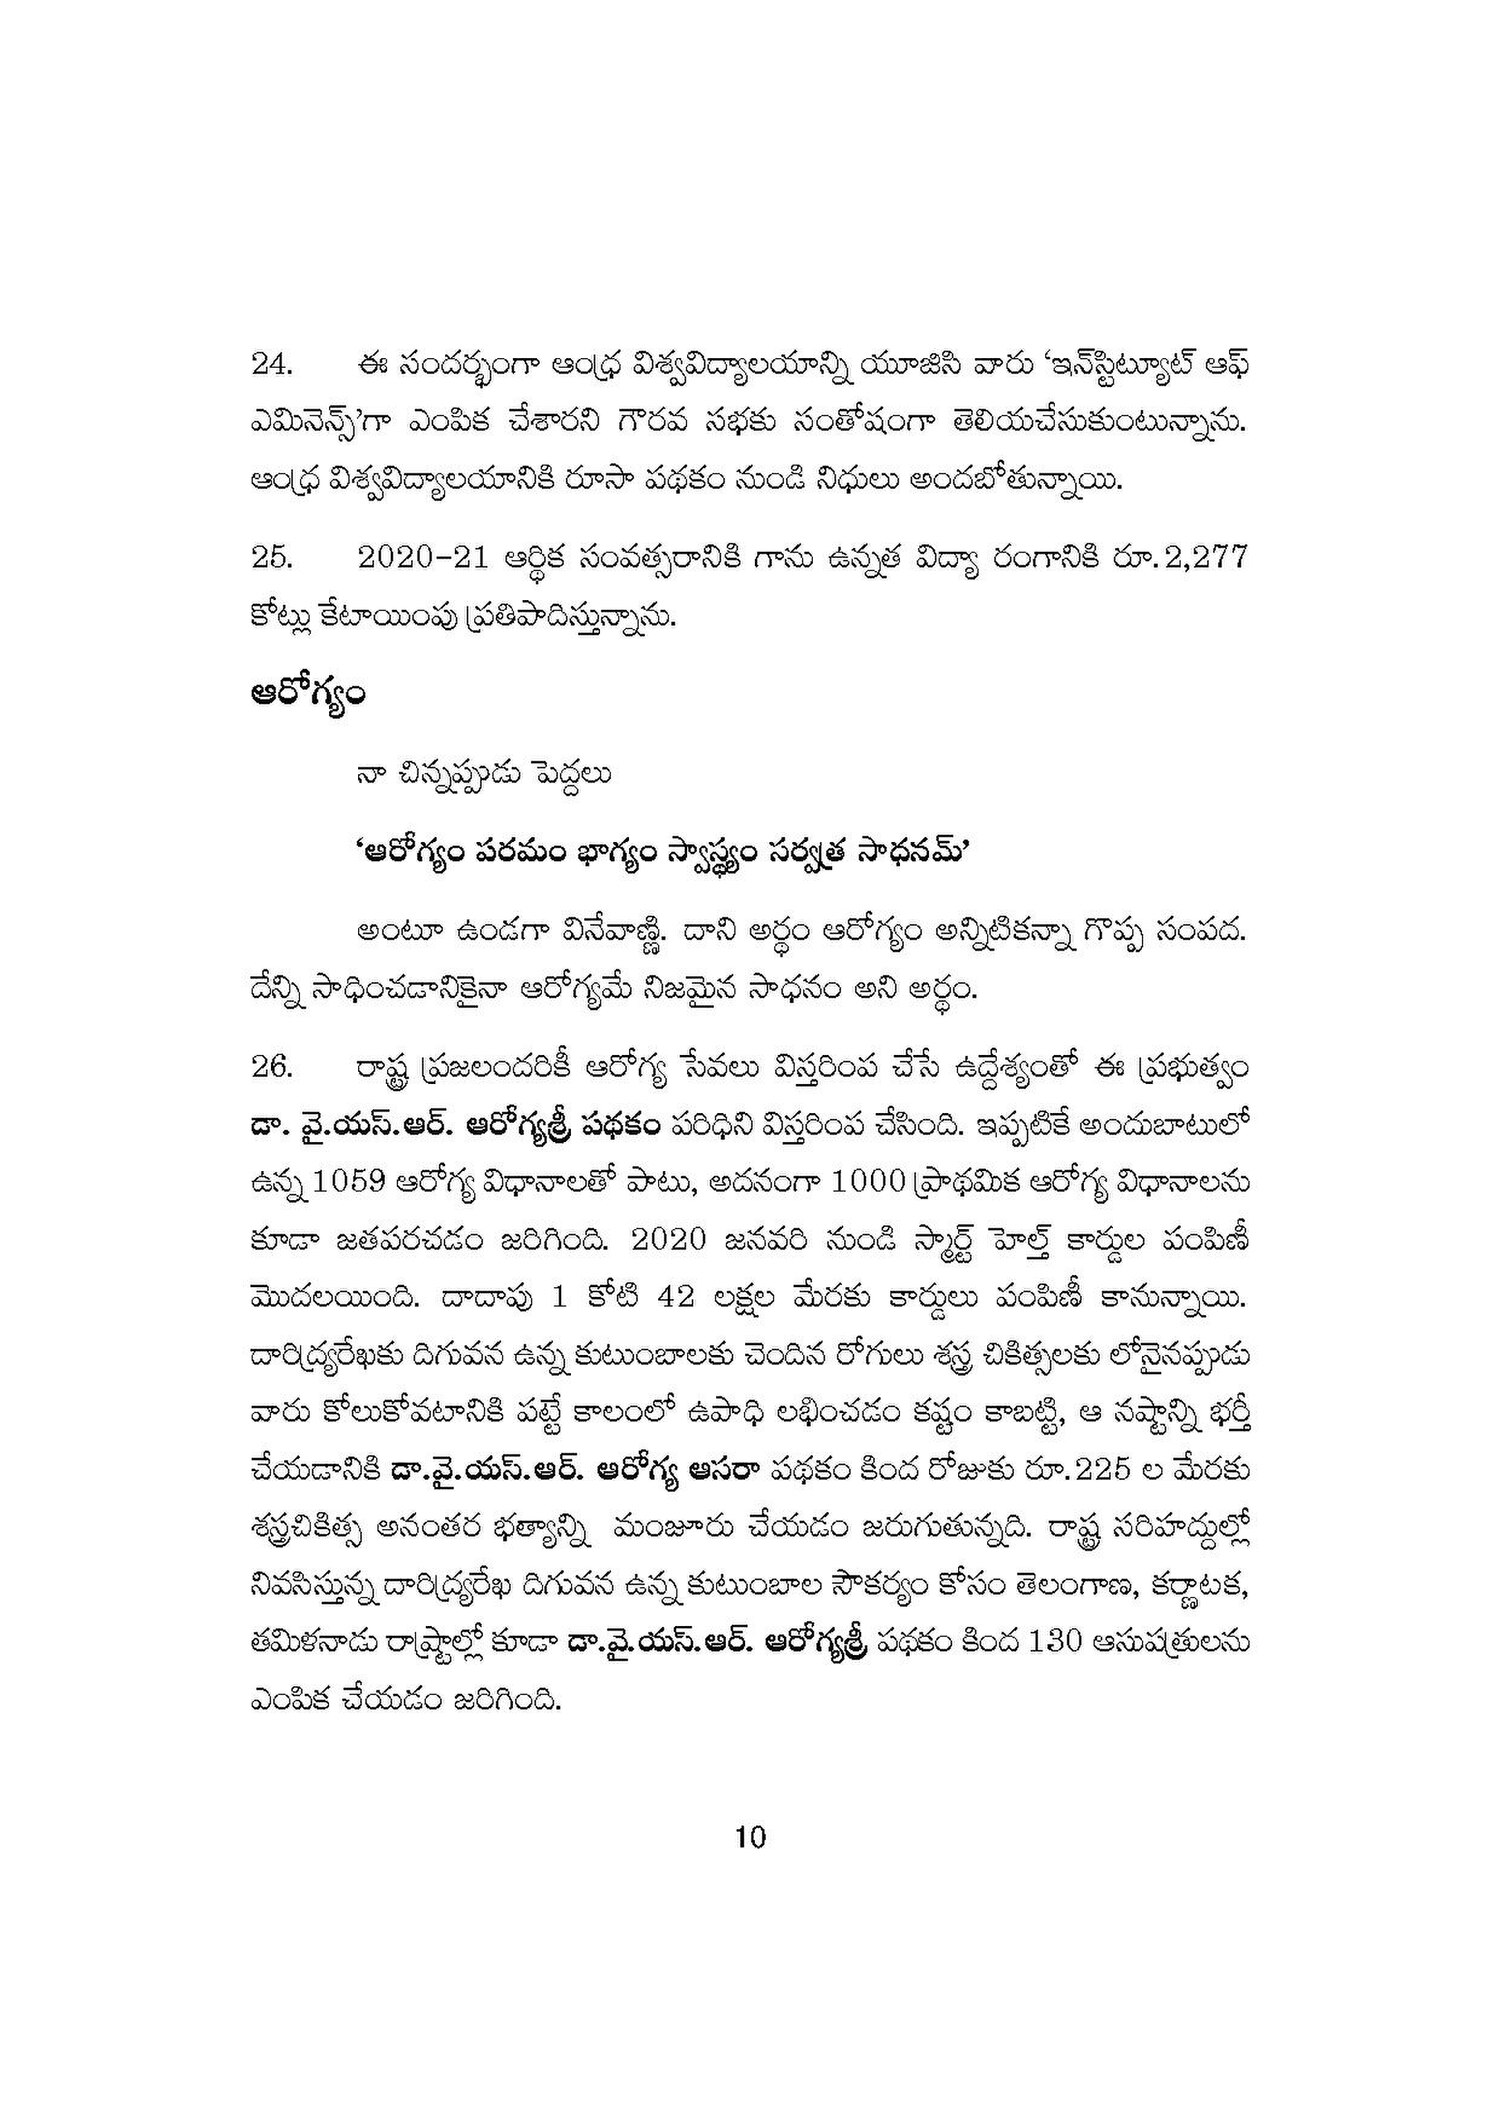24. ఈ సందర్భంగా ఆంధ్ర విశ్వవిద్యాలయాన్ని యూజిసి వారు 'ఇన్స్టిట్యూట్ ఆఫ్ ఎమినెన్స్'గా ఎంపిక చేశారని గౌరవ సభకు సంతోషంగా తెలియచేసుకుంటున్నాను. ఆంధ్ర విశ్వవిద్యాలయానికి రూసా పథకం నుండి నిధులు అందబోతున్నాయి. 

25. 2020-21 ఆర్థిక సంవత్సరానికి గాను ఉన్నత విద్యా రంగానికి రూ. 2,277 కోట్లు కేటాయింపు ప్రతిపాదిస్తున్నాను. 

ఆరోగ్యం
నా చిన్నప్పుడు పెద్దలు 
'ఆరోగ్యం పరమం భాగ్యం స్వాస్థ్యం సర్వత్ర సాధనమ్'

అంటూ ఉండగా వినేవాణ్ణి. దాని అర్థం ఆరోగ్యం అన్నిటికన్నా గొప్ప సంపద. దేన్ని సాధించడానికైనా ఆరోగ్యమే నిజమైన సాధనం అని అర్థం. 

26. రాష్ట్ర ప్రజలందరికీ ఆరోగ్య సేవలు విస్తరింప చేసే ఉద్దేశ్యంతో ఈ ప్రభుత్వం డా. వై.యస్.ఆర్. ఆరోగ్యశ్రీ పథకం పరిధిని విస్తరింప చేసింది. ఇప్పటికే అందుబాటులో ఉన్న 1059 ఆరోగ్య విధానాలతో పాటు, అదనంగా 1000 ప్రాథమిక ఆరోగ్య విధానాలను కూడా జతపరచడం జరిగింది. 2020 జనవరి నుండి స్మార్ట్ హెల్త్ కార్డుల పంపిణీ
మొదలయింది. దాదాపు 1 కోటి 42 లక్షల మేరకు కార్డులు పంపిణీ కానున్నాయి. దారిద్ర్యరేఖకు దిగువన ఉన్న కుటుంబాలకు చెందిన రోగులు శస్త్ర చికిత్సలకు లోనైనప్పుడు వారు కోలుకోవటానికి పట్టే కాలంలో ఉపాధి లభించడం కష్టం కాబట్టి, ఆ నష్టాన్ని భర్తీ
చేయడానికి డా.వై.యస్.ఆర్. ఆరోగ్య ఆసరా పథకం కింద రోజుకు రూ.225 ల మేరకు శస్త్రచికిత్స అనంతర భత్యాన్ని మంజూరు చేయడం జరుగుతున్నది. రాష్ట్ర సరిహద్దుల్లో నివసిస్తున్న దారిద్ర్యరేఖ దిగువన ఉన్న కుటుంబాల సౌకర్యం కోసం తెలంగాణ, కర్ణాటక, తమిళనాడు రాష్ట్రాల్లో కూడా డా.వై.యస్.ఆర్. ఆరోగ్యశ్రీ పథకం కింద 130 ఆసుపత్రులను ఎంపిక చేయడం జరిగింది.